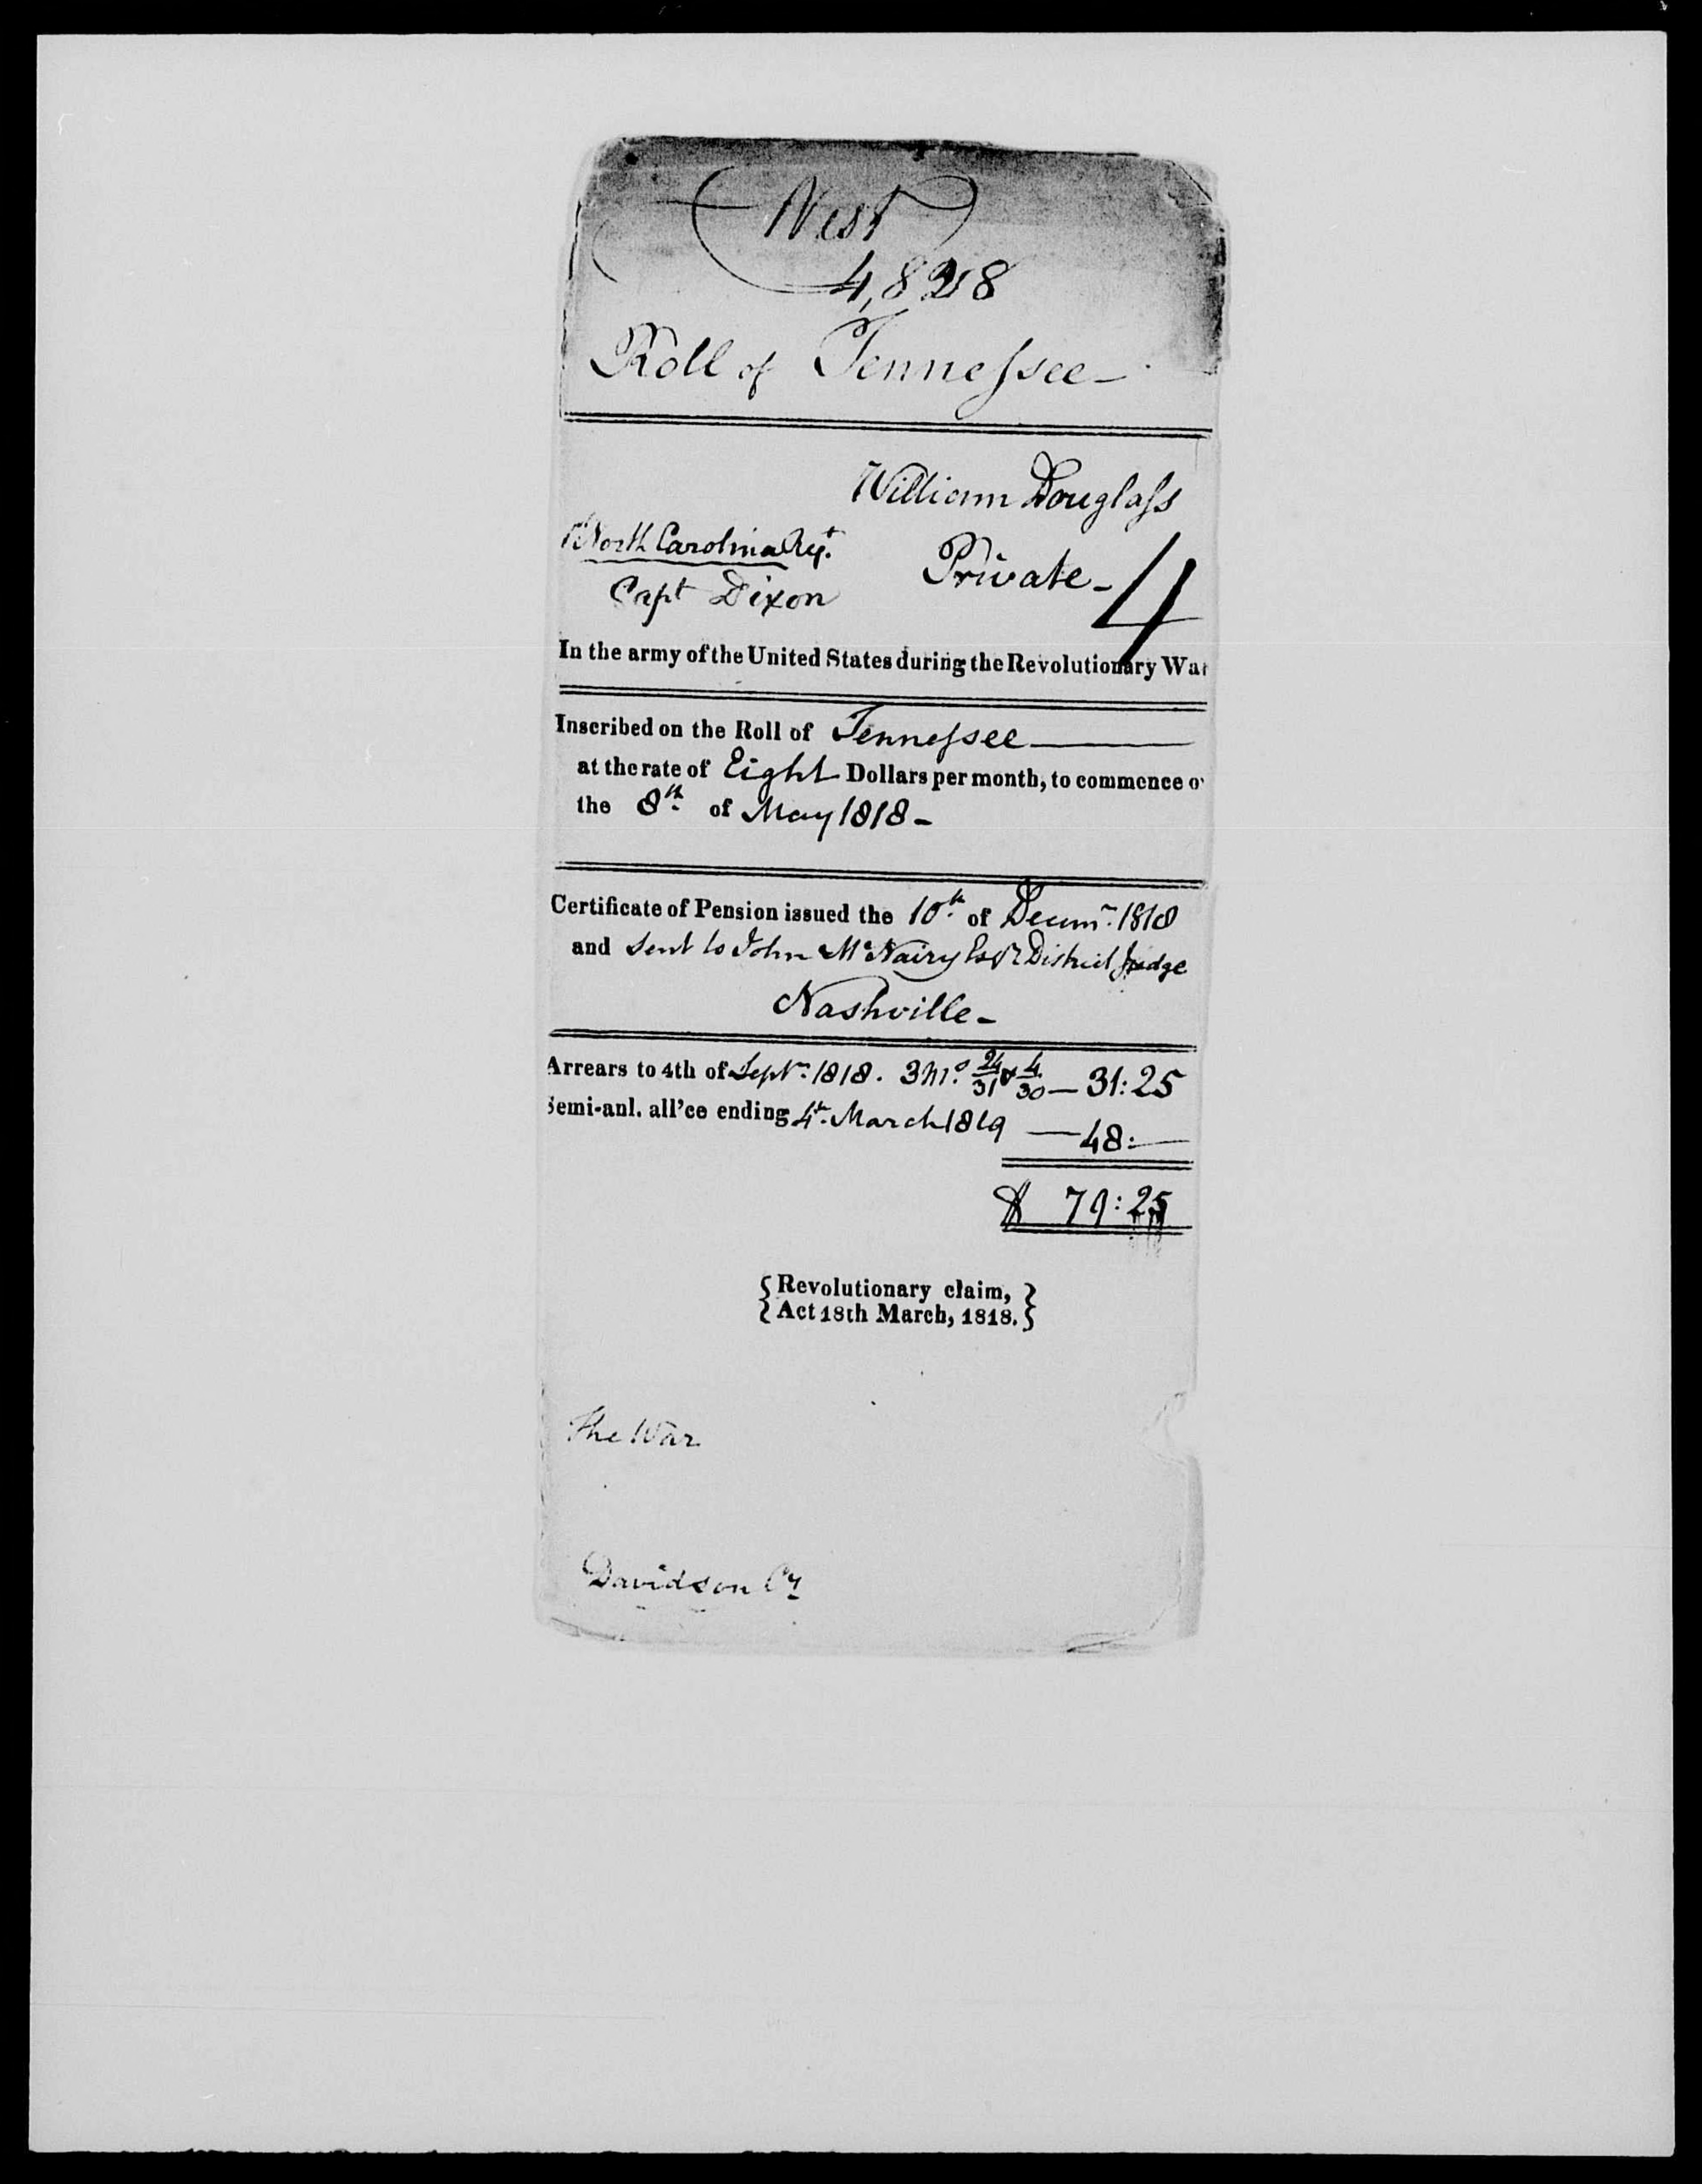West
4.828
Roll of Tennefsee  (Tennessee)
William Douglafs  (Douglass)
North Carolina ry. (x)
_____________
Capt Dixon             Private - 4
In the army of the United States during the Revolutionary War
________________
Inscribed on the Roll of Tennefsee - (Tennessee)
at the rate of Eight Dollars per month, to commence on
the 8th of May 1818
_______________________
Certificate of Pension issued the 10th of Decm 1810
and sent to John McNairy Esqr District Judge
Nashville  -
________________________
Arrears to 4th of Sept. 1818.   3M: 24/31 x 4/30 - 31.25
Semi-anl, all'ce ending 4 March 1819  - 48.
_______________
________________
$79.25
{Revolutionary claim,}
{Act 18th March, 1818.}
The War
Davidson by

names: Dixon, William Douglass, John Mc Nairy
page: 3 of 7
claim: survivor's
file: S. 38667, William Douglass, N.C.